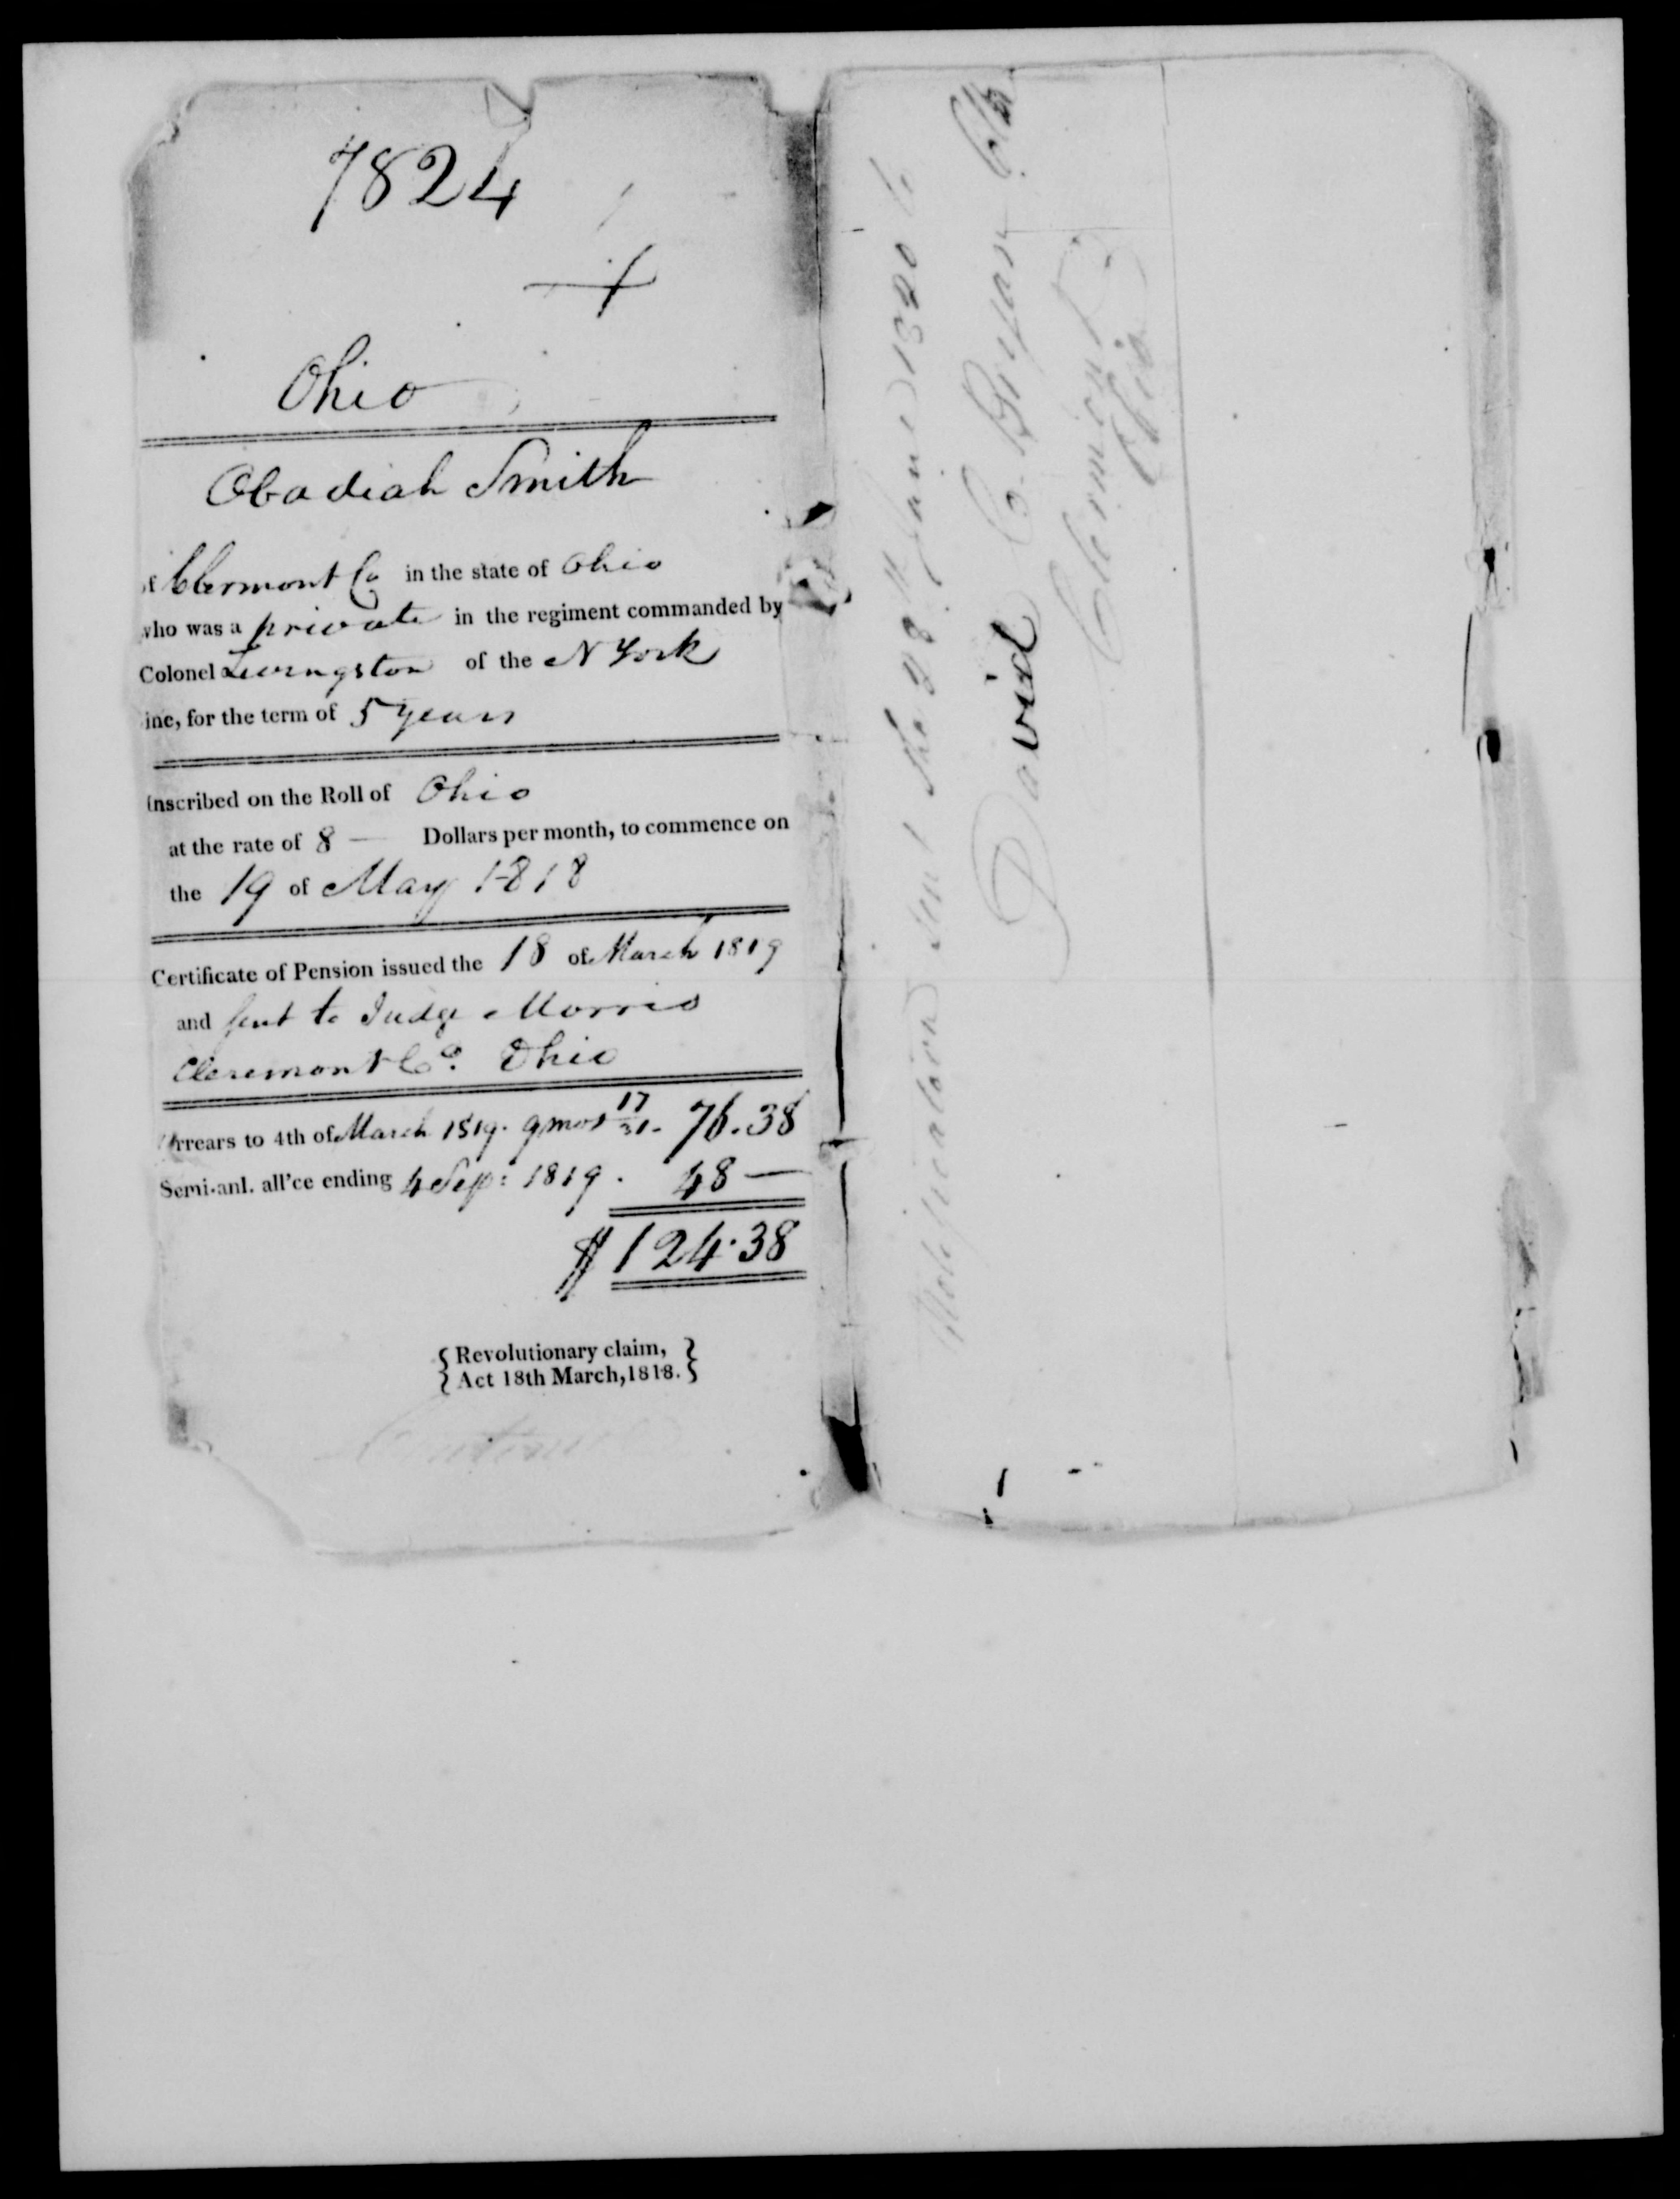7824 
4 
Ohio 
Obadiah Smith Clermont Co in the state of Ohio who was a private in the regiment commanded by Colonel Livingston of the N York line, for the term of 5 years 
Inscribed on the Roll of Ohio at the rate of 8 Dollars per month, to commence on the 19 of May 1818 
Certificate of Pension issued the 18 of March 1819 and sent to Judge MOrris Clermont Co. Ohio 
Arrears to the 4th March 1819. 9 mos 17 / 30. 76.38 Semi-anl. all'ce ending 4 Sep. 1819 48 - 
$124.28 
{Revolutionary claim, Act 18th March, 1818. } 
[illegible] 
Notification sent Jan 28. Jan 1 1820 to David C Bryan Clk Columbia Ohio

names: [BLANK] Morris; David C Bryan; [BLANK] Livingston; Obadiah Smith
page: 2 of 66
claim: survivor's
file: S 40458, for Obadiah Smith, New York